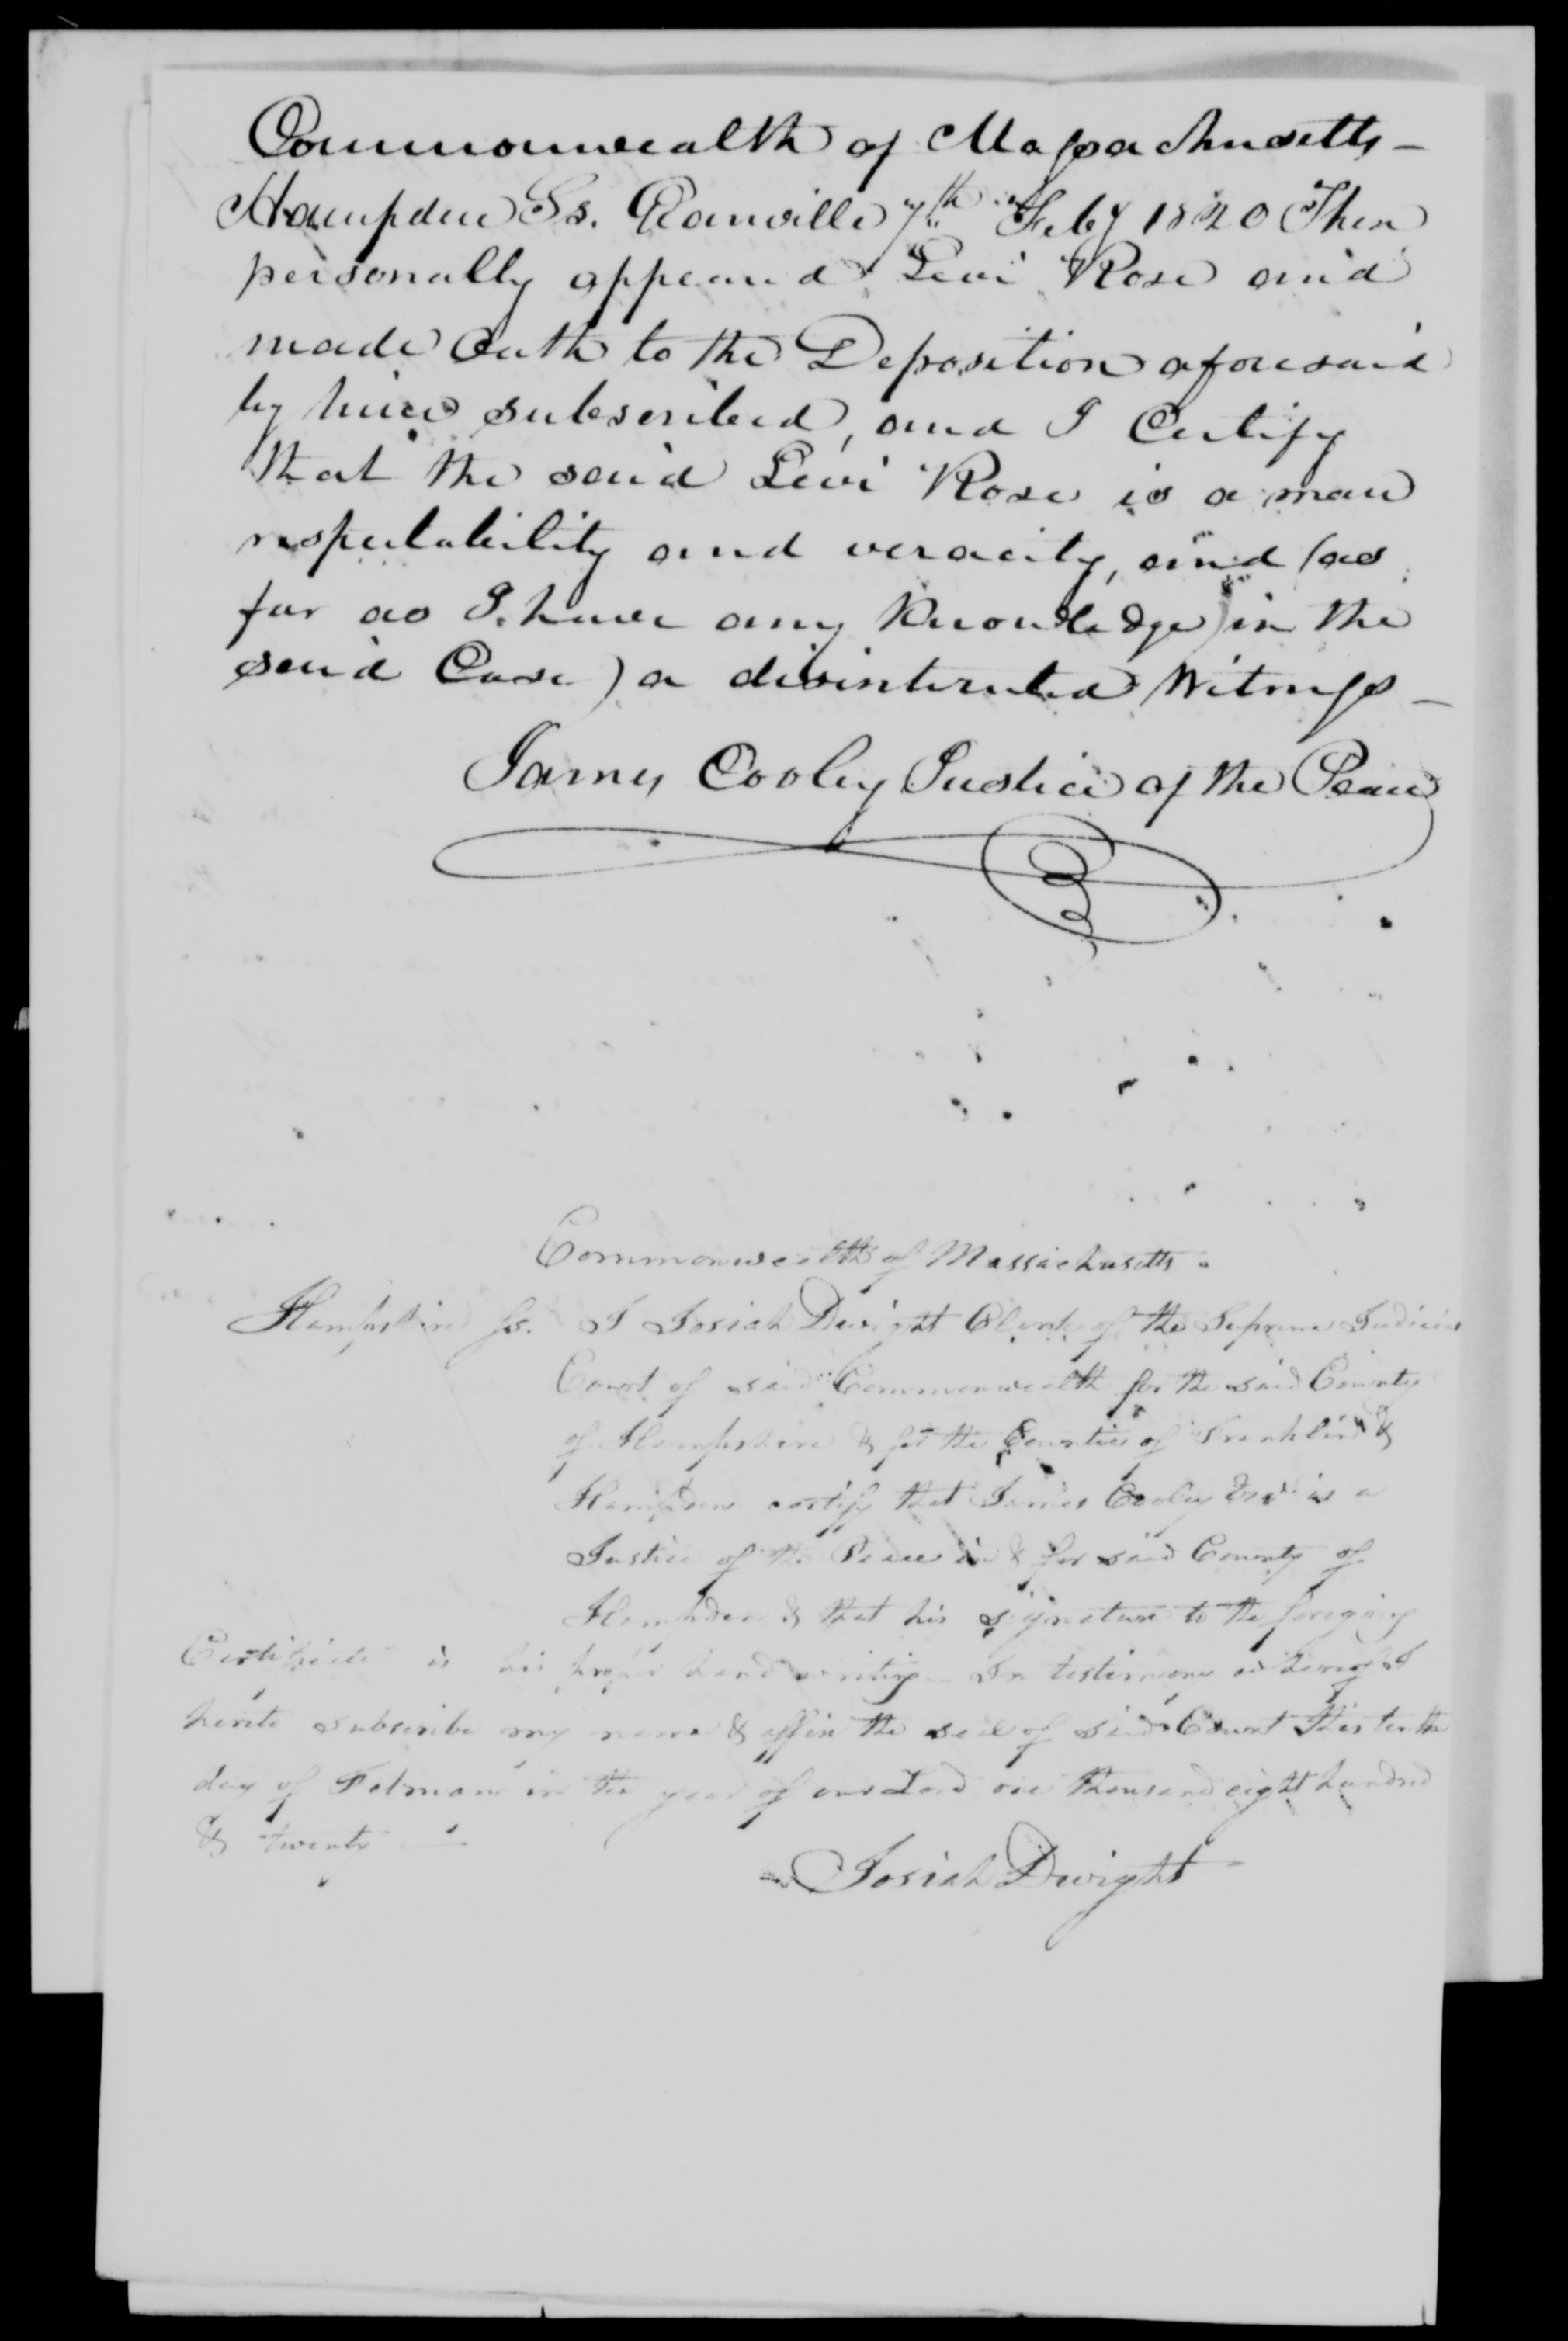Commonwealth of Massachusetts
Hampden Ss. (illegible)  7th Feby 1820  Then
personally appeared Levi Rose and
made oath to the Deposition aforesaid
by him subscribed, and I Certify
that the said Levi Rose is a man
respectability and veracity, and (as
far as I have any knowledge in the
said Case) a disinterested witness --

James Cooley Justice of the Peace  (signature)


Commonwealth of Massachusetts
Hampshire Ss.  I Josiah Dwight Clerk of the Supreme Judicial
Court of said Commonwealth for the said County
of Hampshire & for the Counties of Franklin & 
Hampden certify that James Cooley 2nd is a
Justice of the Peace in & for said County of
Hampden & that his signature to the foregoing
Certificate is his proper handwriting -- In testimony whereof I
hereto subscribe my name & affix the seal of said Court This tenth
day of February in the year of our Lord one thousand eight hundred
& twenty --

Josiah Dwight  (signature)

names: Levi Rose, James Cooley, Josiah Dwight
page: 27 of 34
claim: survivor's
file: S. 41337, Jared Wilcox, Continental Mass.